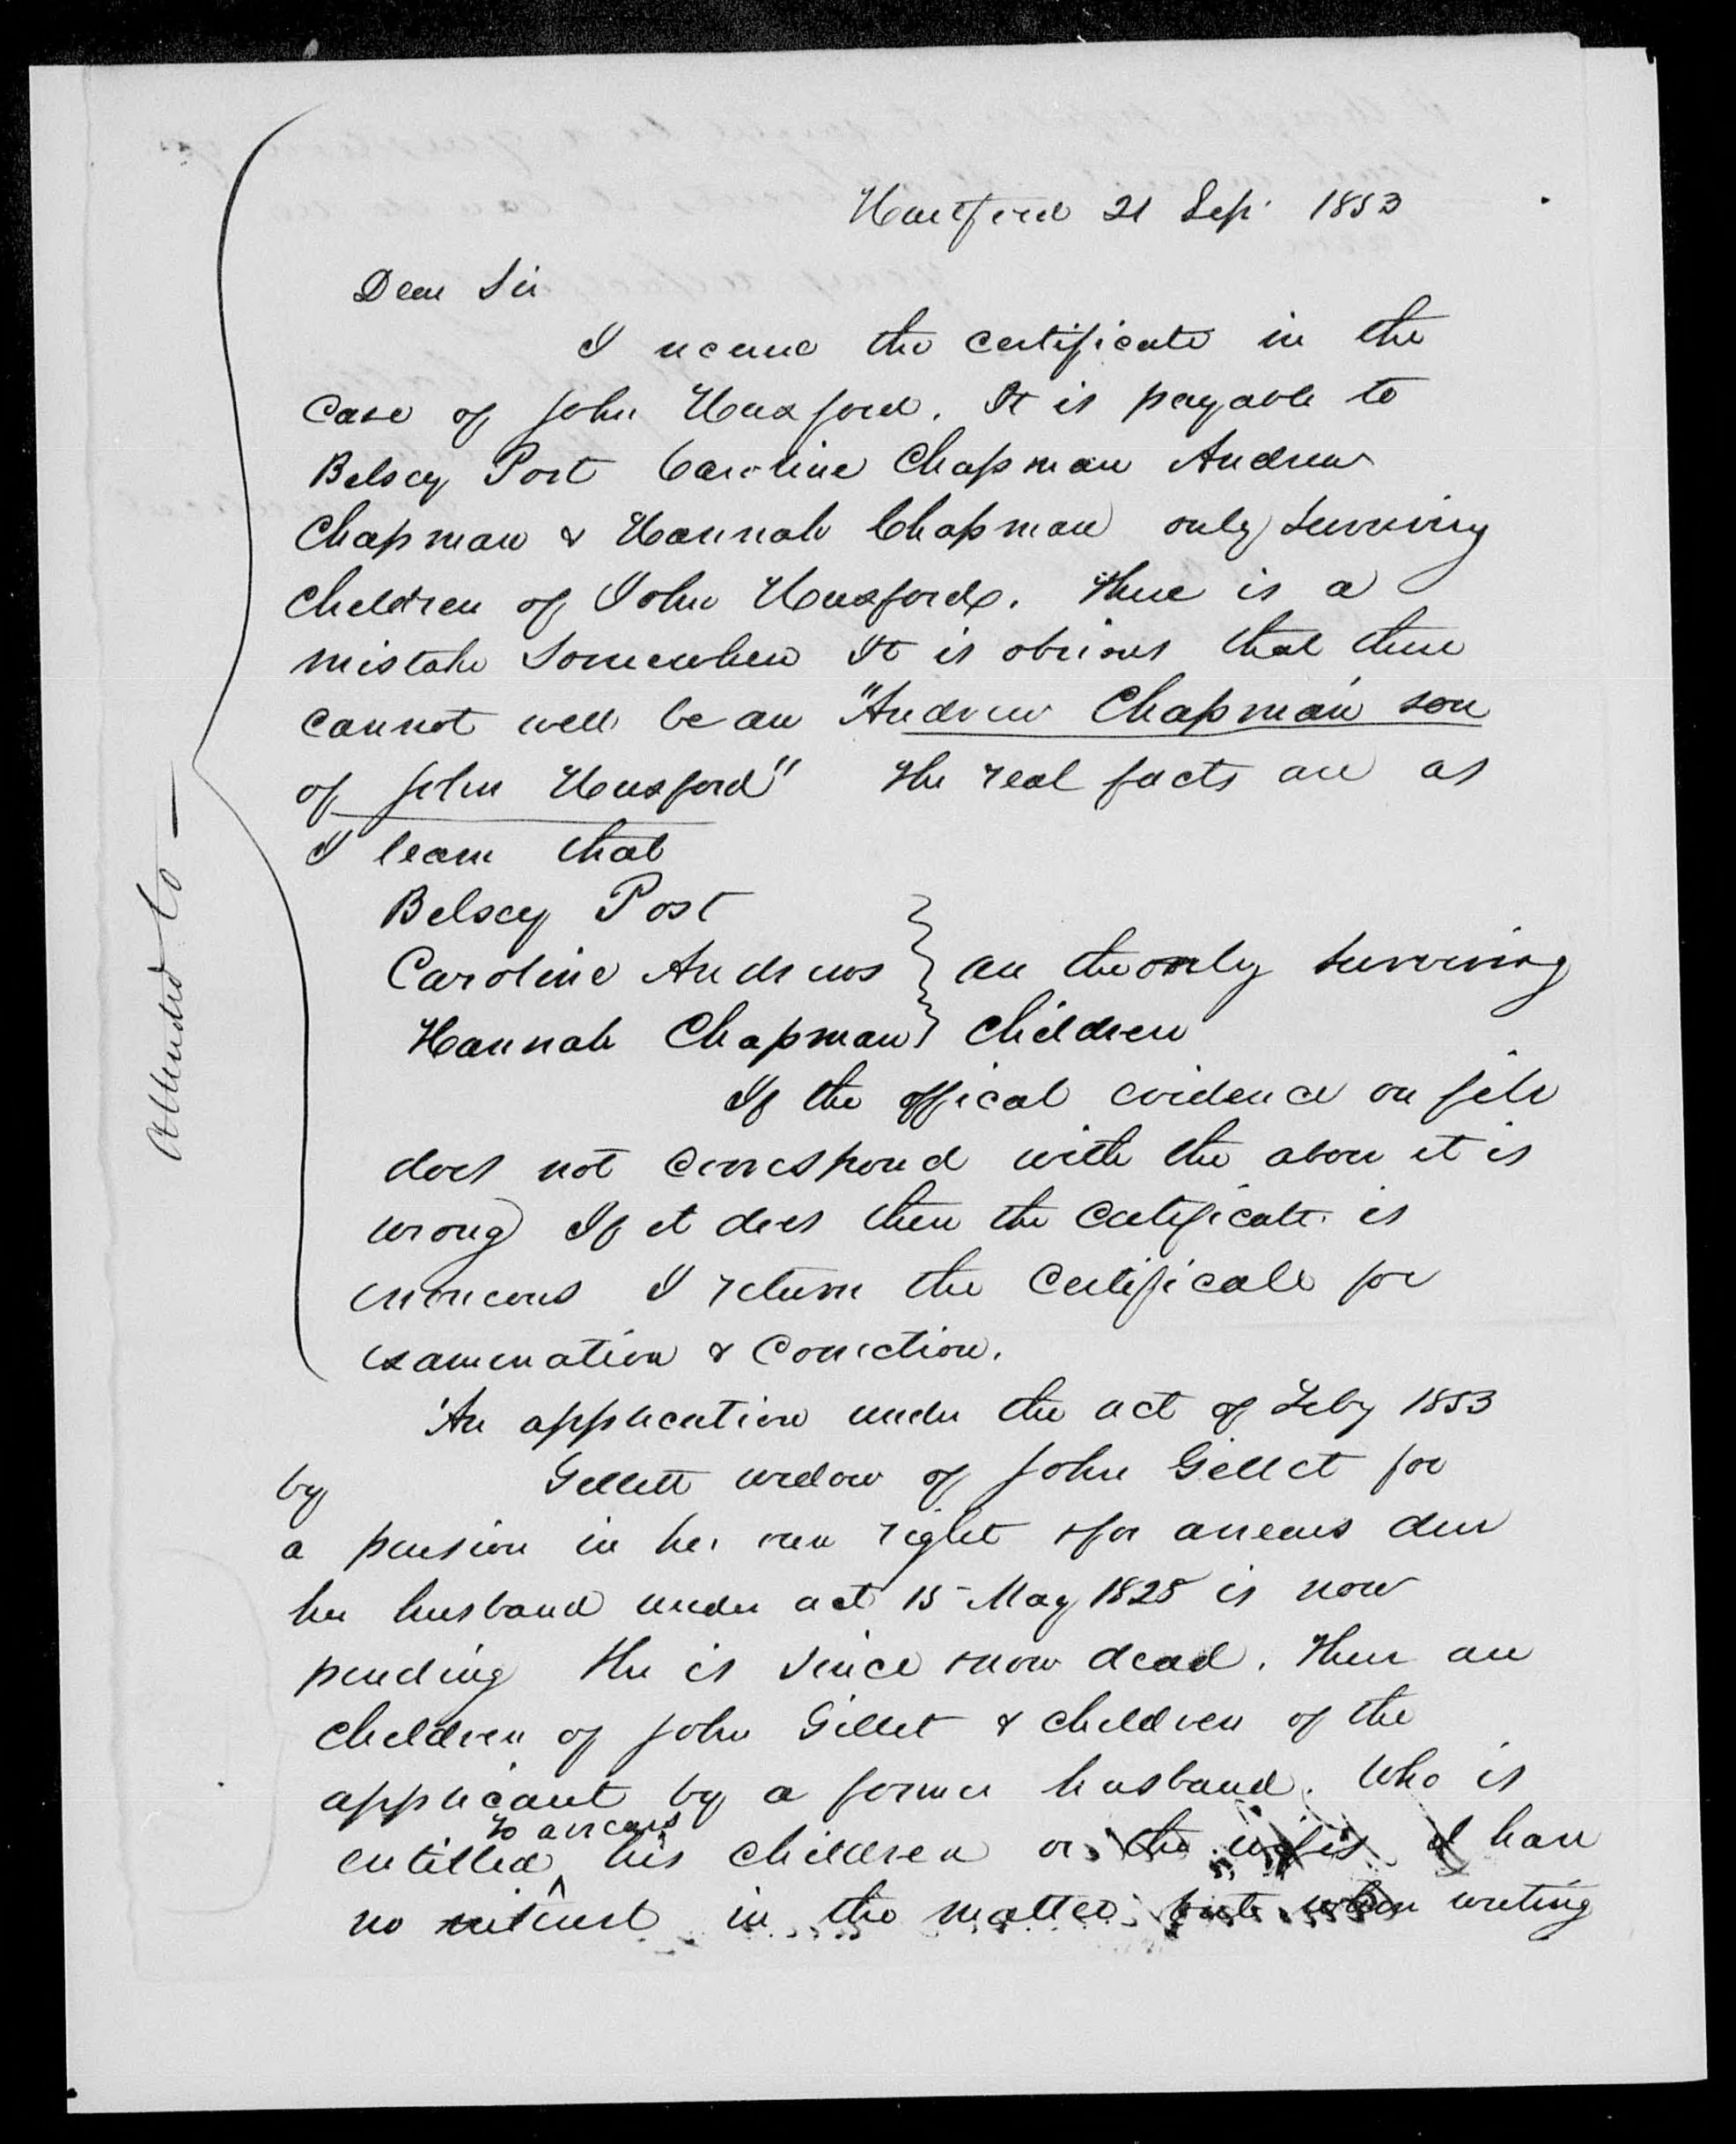Hartford  21 Sep 1853
Dear Sir
     I ... the certificate in the case of John Husford. It is payable to Betsy Post Caroline Chapman Andrew Chapman & Hannah Chapman only surviving children of John Husford. There is a mistake somewhere. It is obvious that these cannot well be an "Andrew Chapman son of John Husford {last six words underlined".  The real facts are a I learn that
  Betsy Post}                   are the only surviving
Caroline Andrews}         children
Hannah Chapman}
    If the official evidence on file does not correspond with the above it is wrong  If it does then the certificate is correct   I return the certificate for examination & correction.

[NOTE:  A bracket encapsulates the information from the beginning of this letter to this point]

The application under the act of Feby 1853 by 
                  Gillet widow of John Gillet for a pension is her own right & for arrears due her husband under act 15 May 1825 is now pending.  He  is since now dead. There are children of John Gillet & children of the applicant by a former husband who is entitled to [illegible  word inserted] his children of the wife's  I have no interest in the matter but when writiing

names: Belsey Post, Andrew Chapman, John Gillet, John Husford, Belsey Post, Caroline Chapman, Andrew Chapman, Gillett, John Husford, Hannah Chapman, John Gillet, Hannah Chapman, Caroline Andrews, John Husford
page: 25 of 40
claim: survivor's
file: S. 36,537 And R. 4034, John Gillet, Conn.